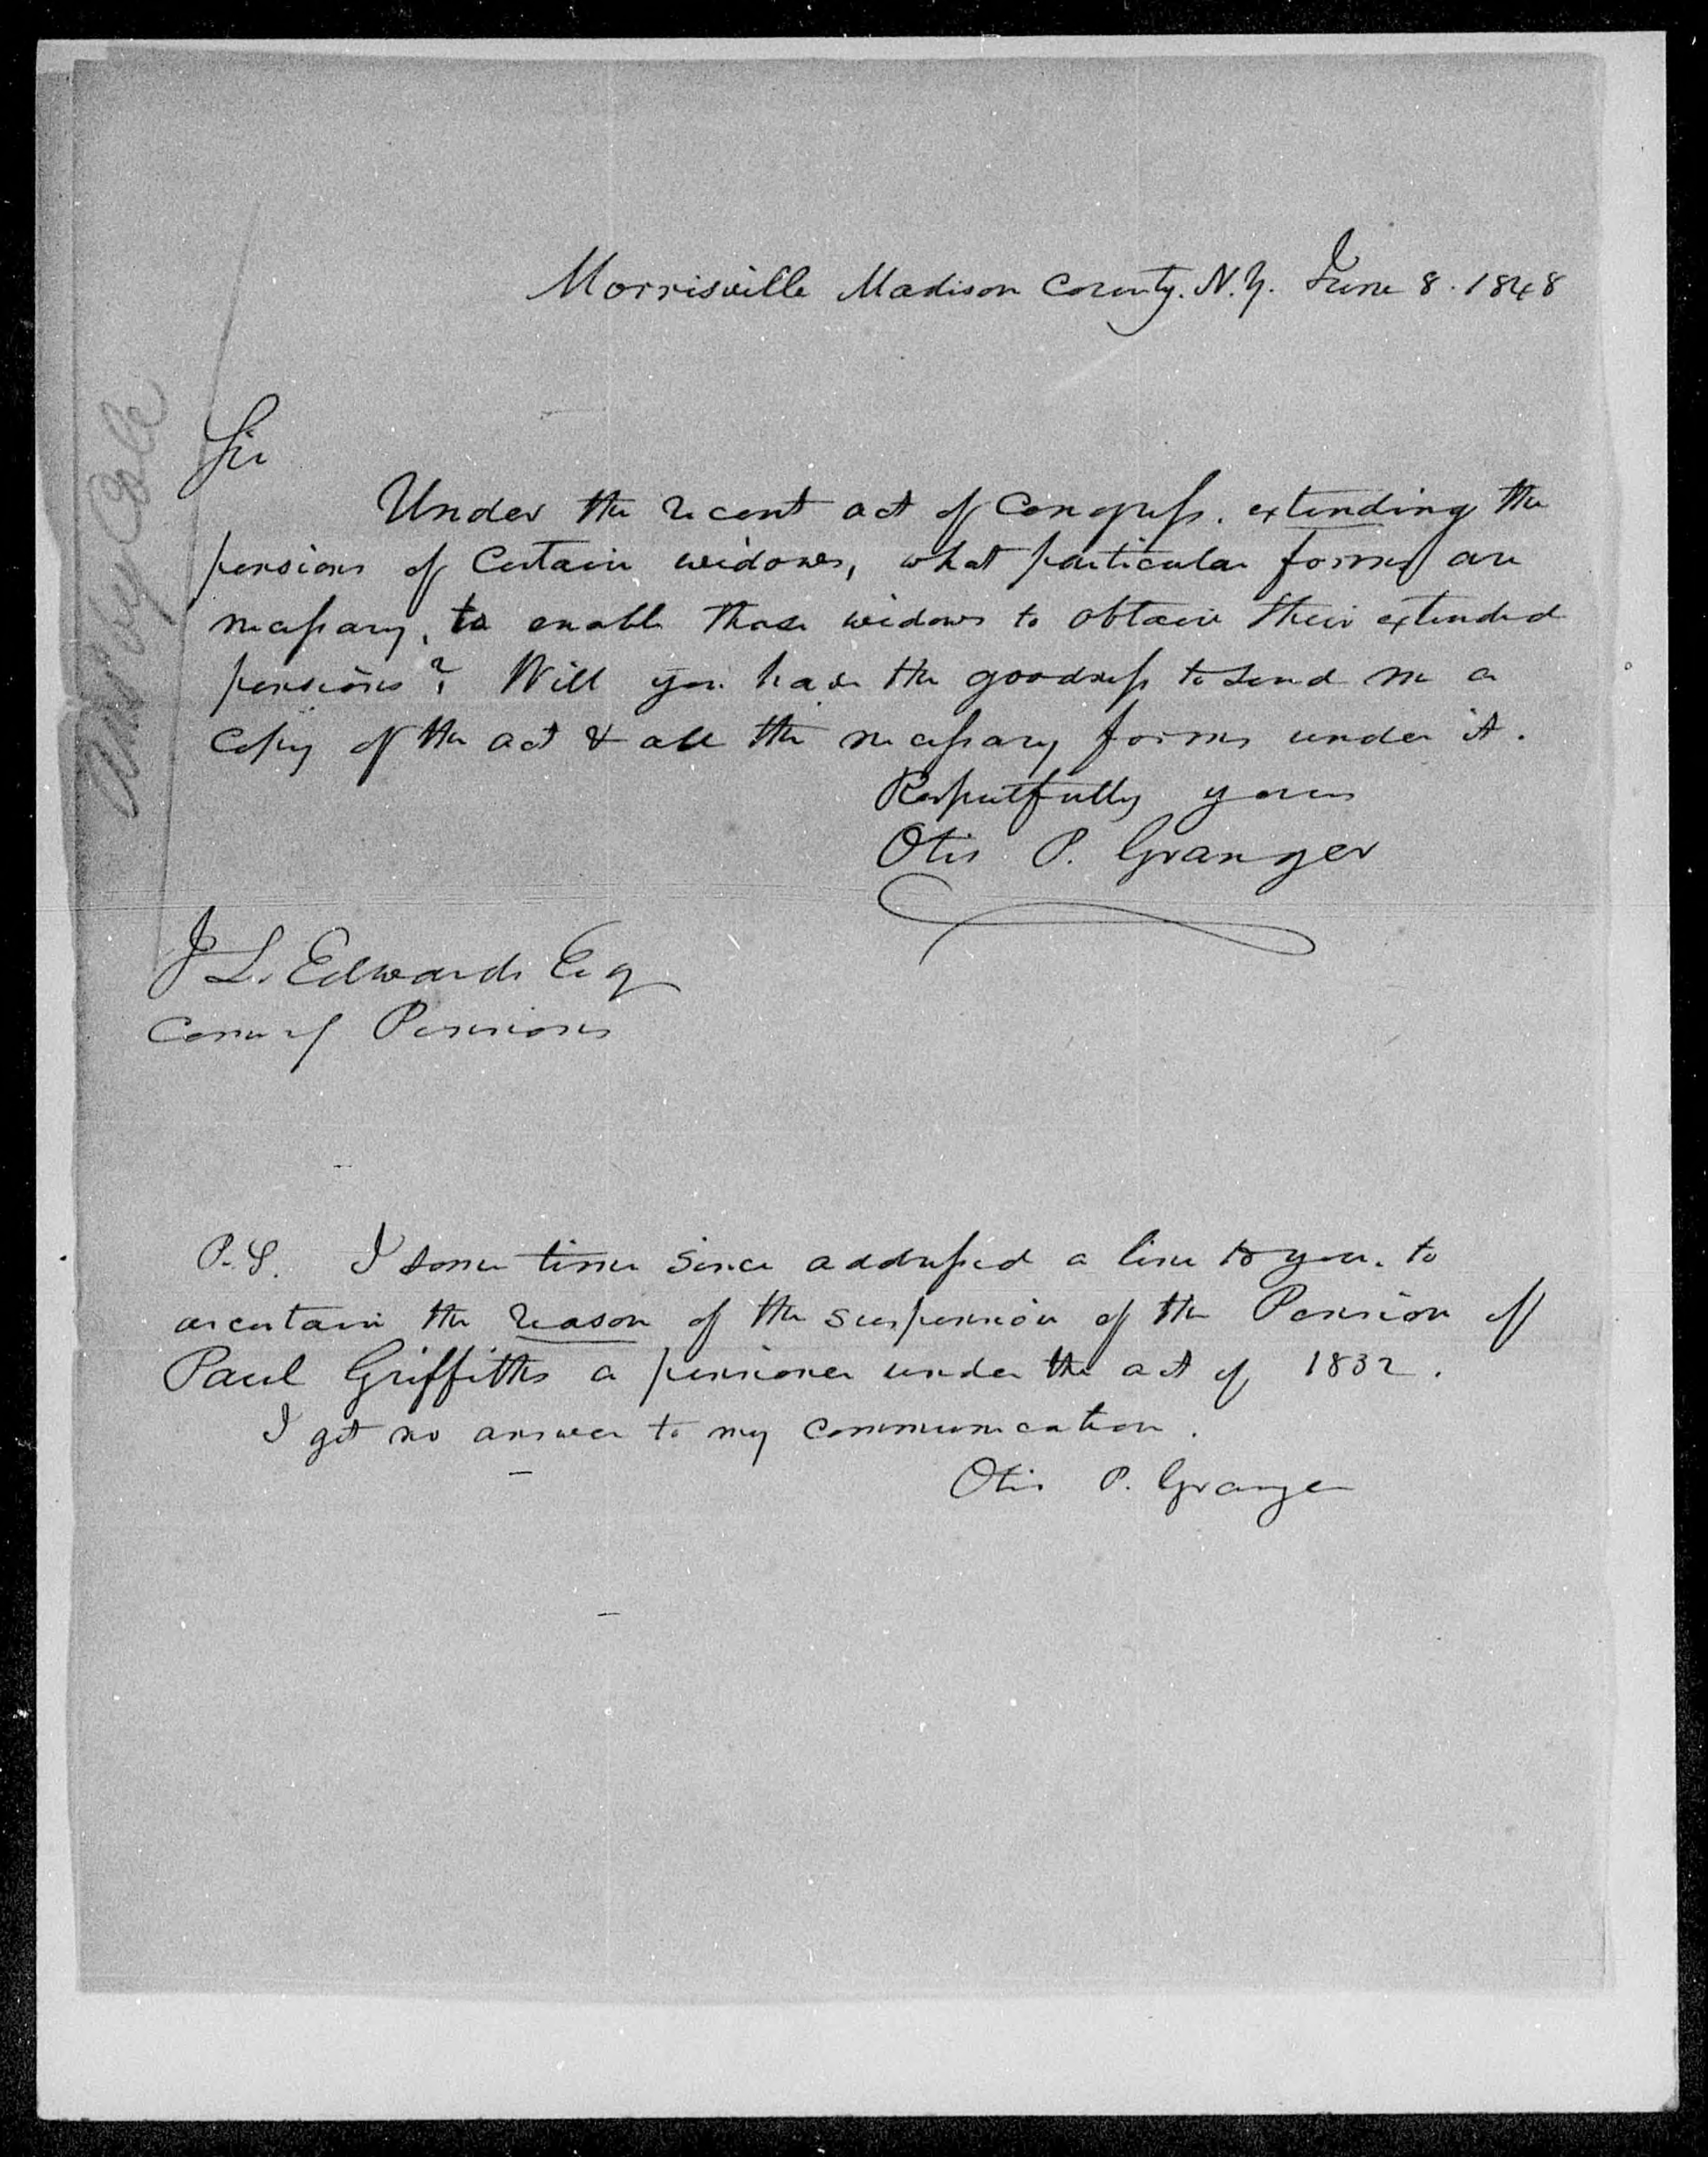Morrisville, Madison County, N.Y.
June 8, 1848

Sir,

Under the recent act of Congress extending the pension of certain widows, what particular forms are necessary to enable those widows to obtain their extended pensions? Will you have the goodness to send me a copy of the act & all the necessary forms under it.

Respectfully yours,
Otis P. Granger

J.L Edwards, Esq.
Com'r of Pensions

P.S. I some time since, addressed a line to you to ascertain the reason of the suspension of the pension of Paul Griffiths, a pensioner under the act of 1832. I got no answer to my communication.

Otis P. Granger

Ans'd by Cole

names: J L Edwards, Otis P Granger, Paul Griffiths, Otis P Granger, Aasbey Cole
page: 45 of 61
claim: survivor's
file: S. 22798, Paul Griffiths, R.I.